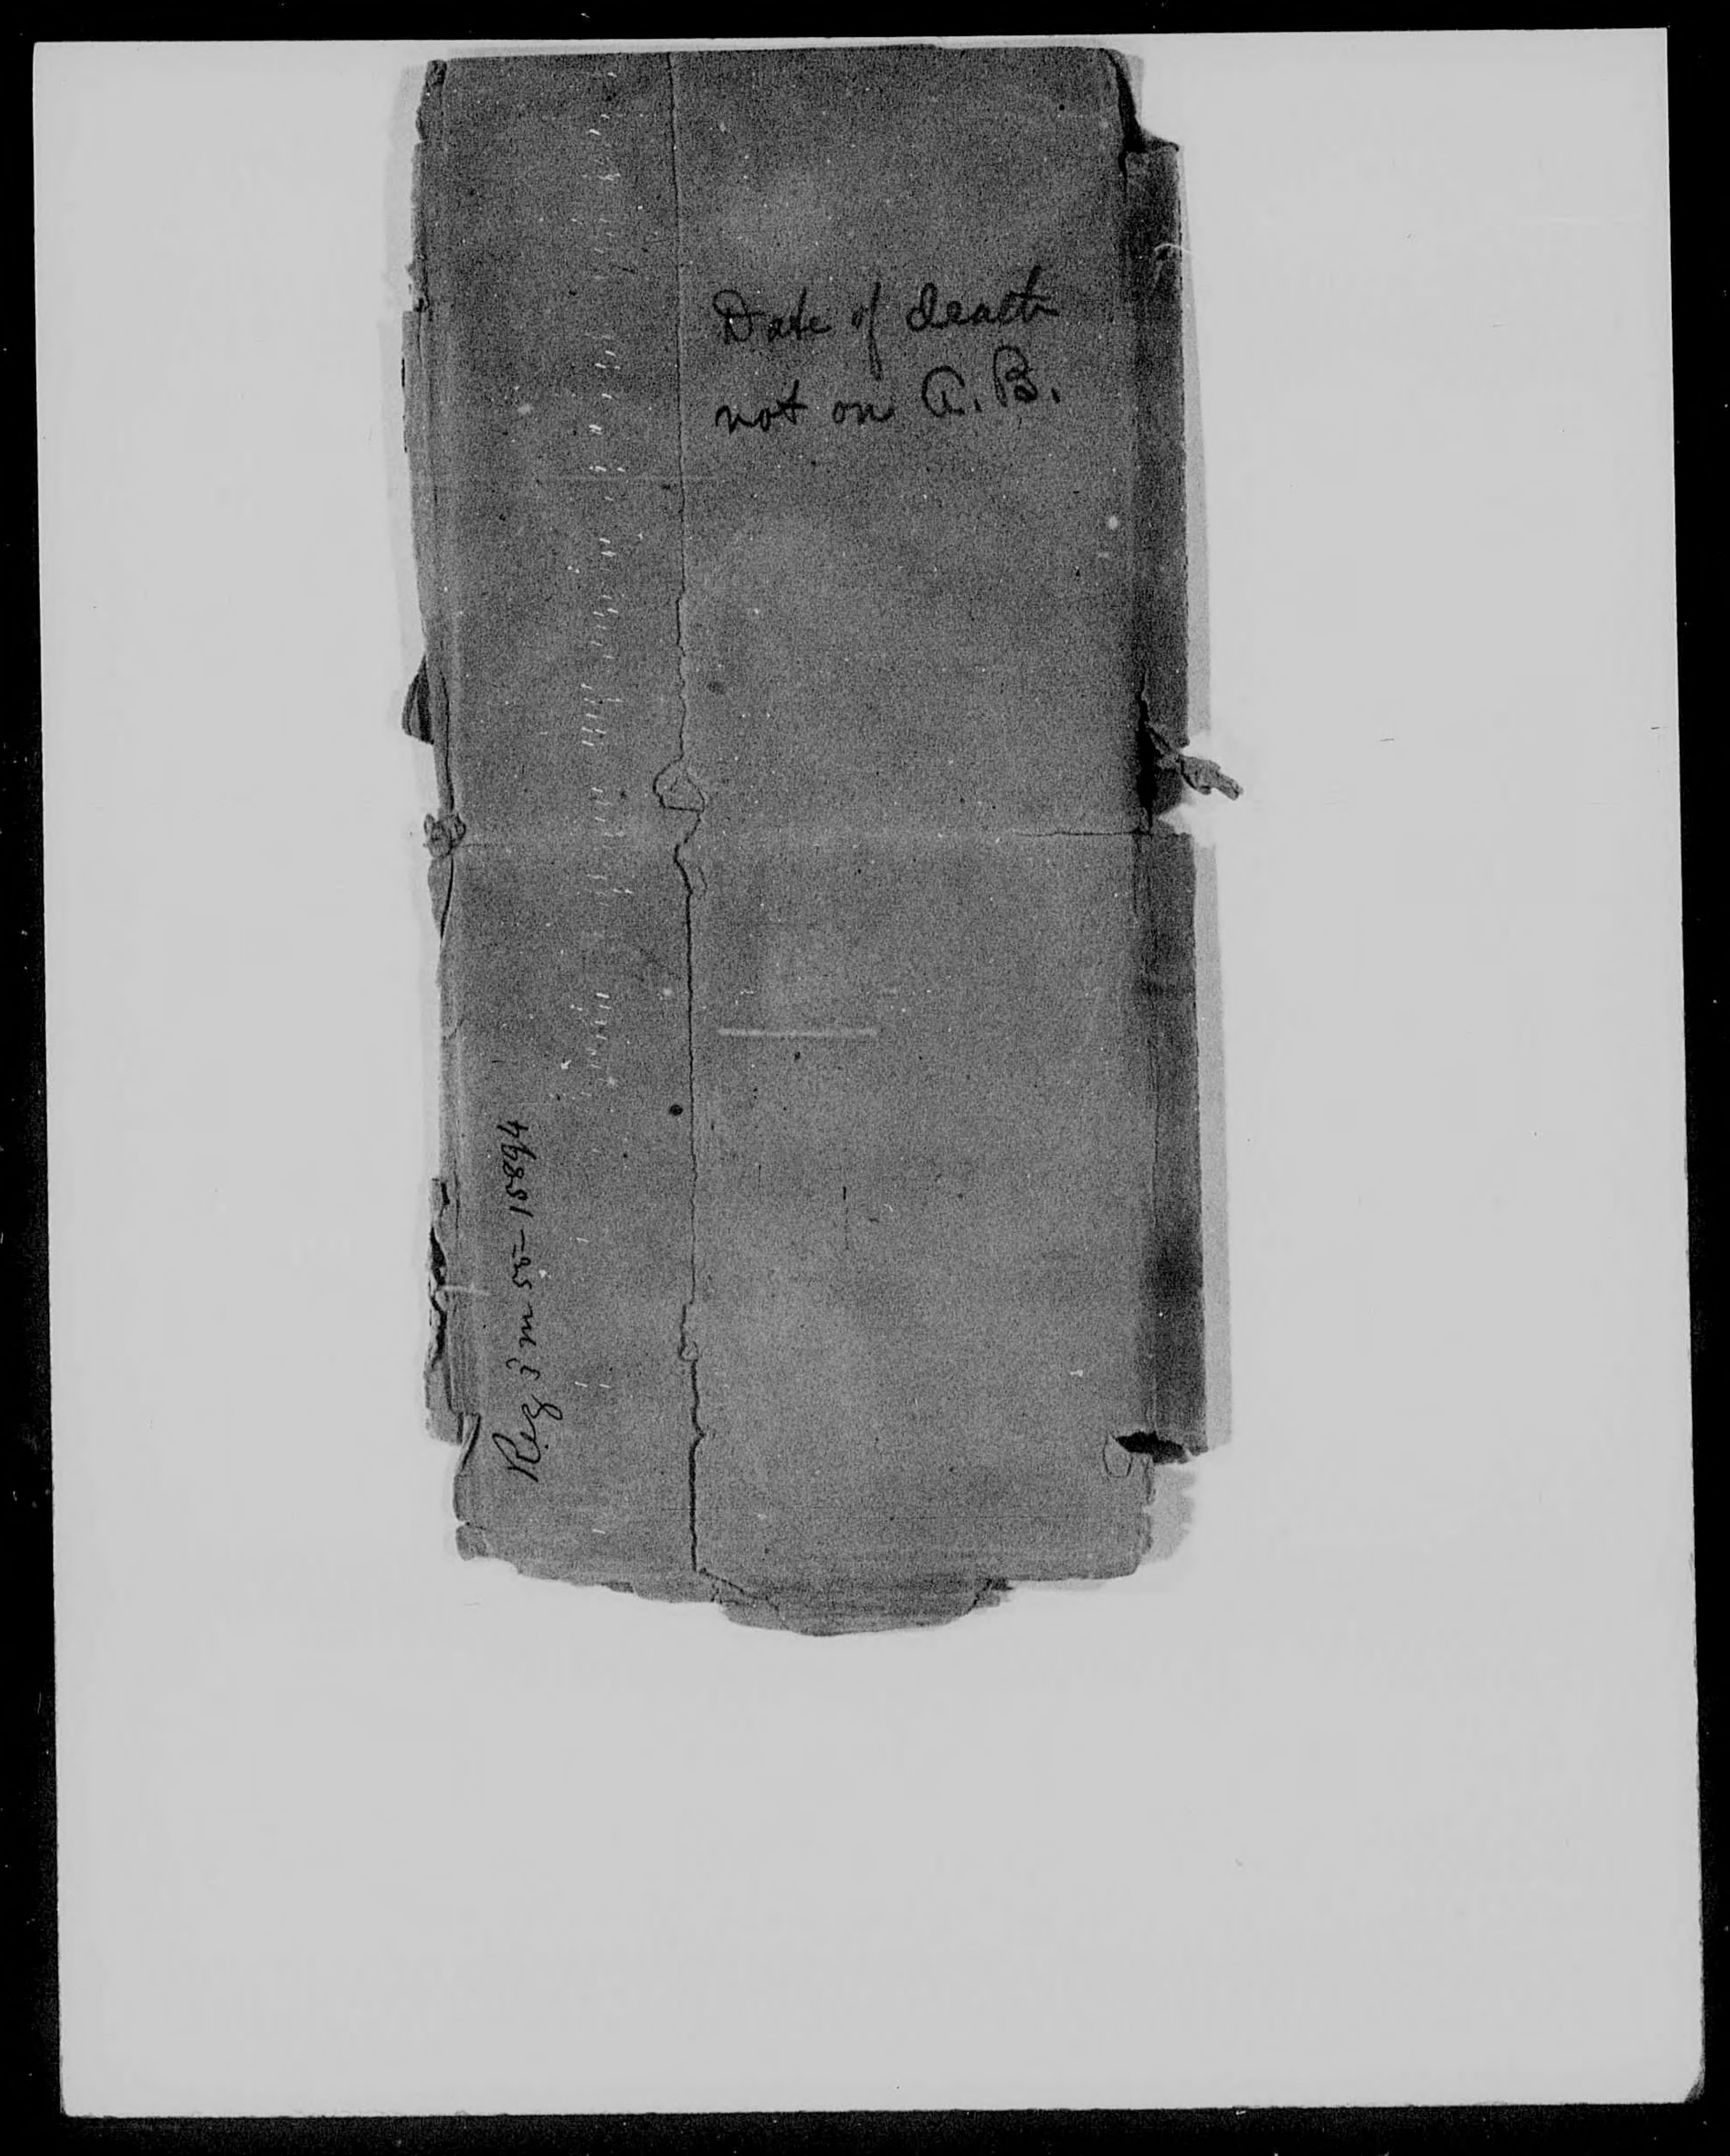Date of death
not on A. B.

Reg} m 55-18894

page: 77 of 92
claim: widow's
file: W 1173, Robert Hamill, Penn.